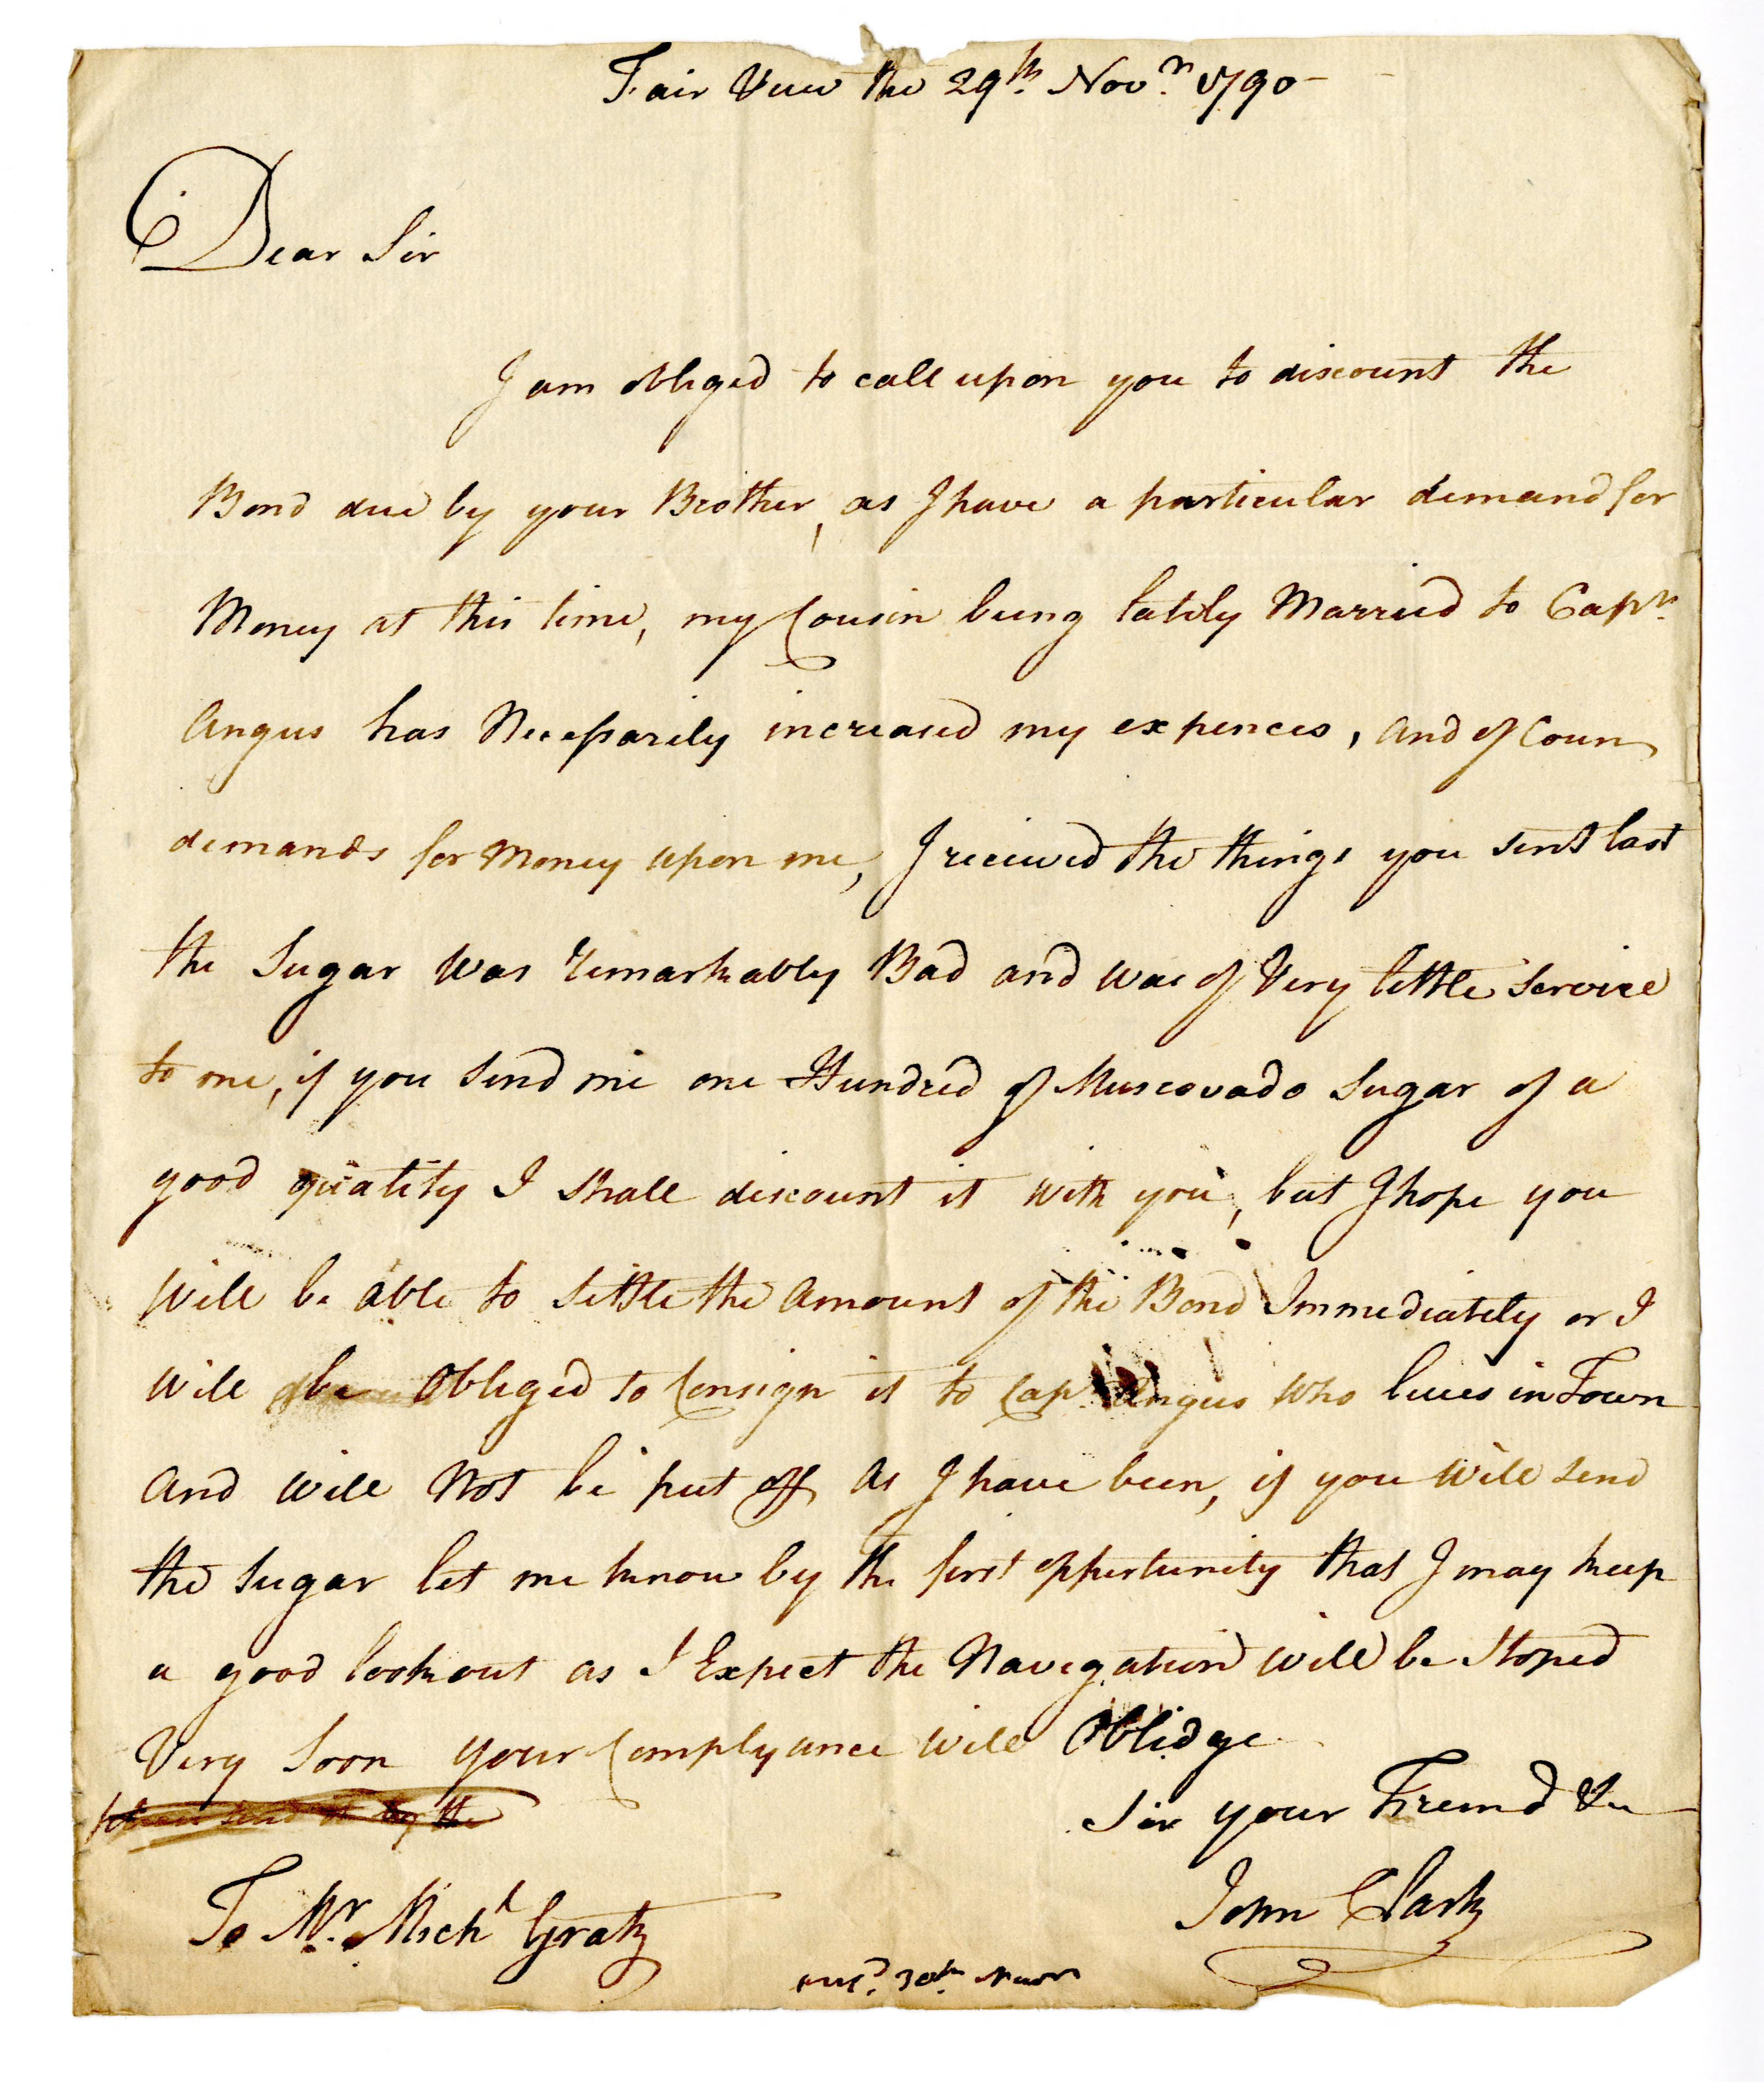Fairview the 29^th Nov^r. 1790-
Dear Sir
I am obliged to call upon you to discount the
Bond done by your Brother, as I have a particular demand for
Money at this time, my Cousin being lately Married to Cap^t.
Angus has necessarily increased my expenses, and of Course
demands for Money upon me, I received the things you sent last
the Sugar Was remarkably Bad and was of Very little service
to me, if you send me one Hundred of Muscavado Sugar of a
good quality I shall discount it with you, but I hope you
will be able to settle the Amount of the Bond Immediately or I
will be Obliged to Consign it to Cap^t Angus who lives in Town
And will not be put off As I have been if you Wild send
the Sugar let me know by the first opportunity that I may keep
a good lookout as I Expect the Navigation will be Stoped
Very soon your Complyance will Oblidge
Sir your friend &c
John Clark
To M^r Mich^l Gratz